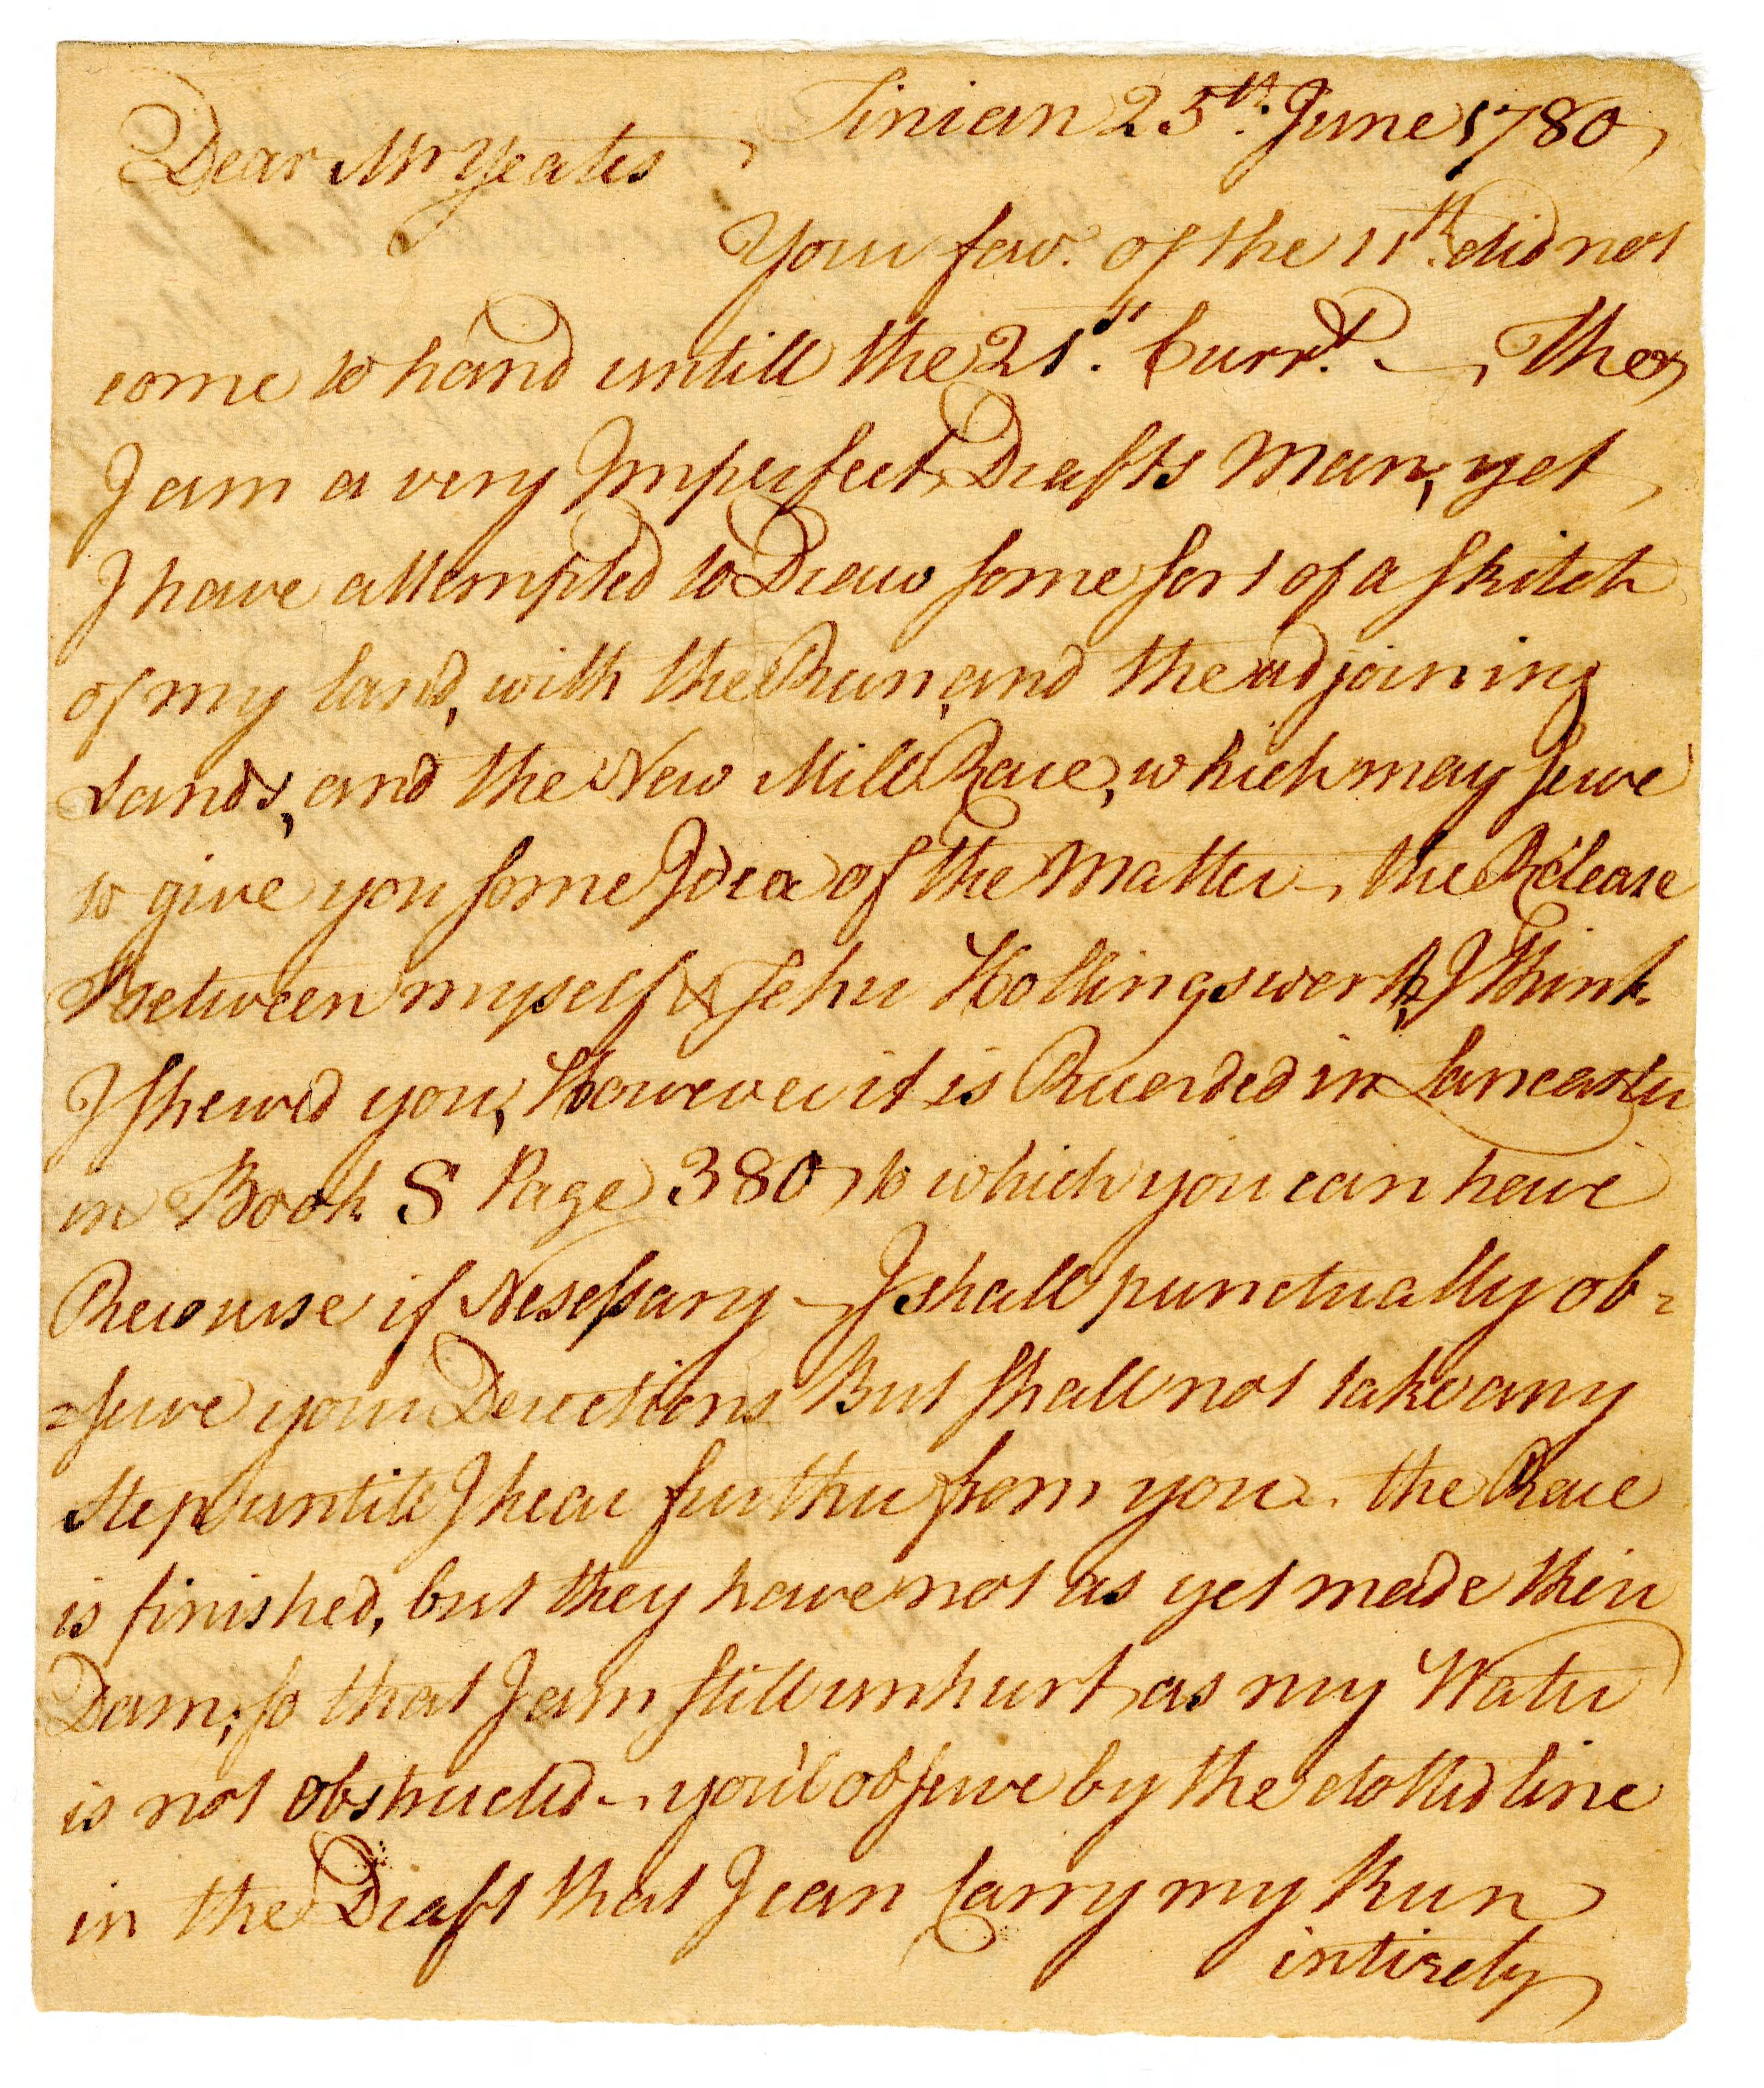Tinian 25^th June 1780
Dear M^r Yeates
Your fav^r. of the 11^th did not
come w hand untill the 21^st Curr^t.- They
I am a very imperfect Drafts man, yet
I have attempted to Draw some sort of a skitch
of my land, with the Run and the adjoining
Sands, and the New Mill Race, which may Serve
to give you some Idea of the matter, the Release
Between myself & John Hollingsworth I think
I shewed you, However it is Recorded in Lancaster
in Book 8 Page 380 to which you can have
Recourse if Necessary. I shall punctually ob-
-serve your Derections But shall not take any
Step until I hear further from you. the Race
is finished, but they have not as yet made their
Dam, so that I am Still unhurt as my Water
is not obstructed. you'l observe by the dotted line
in the Draft that I can Carry my Run
intirely